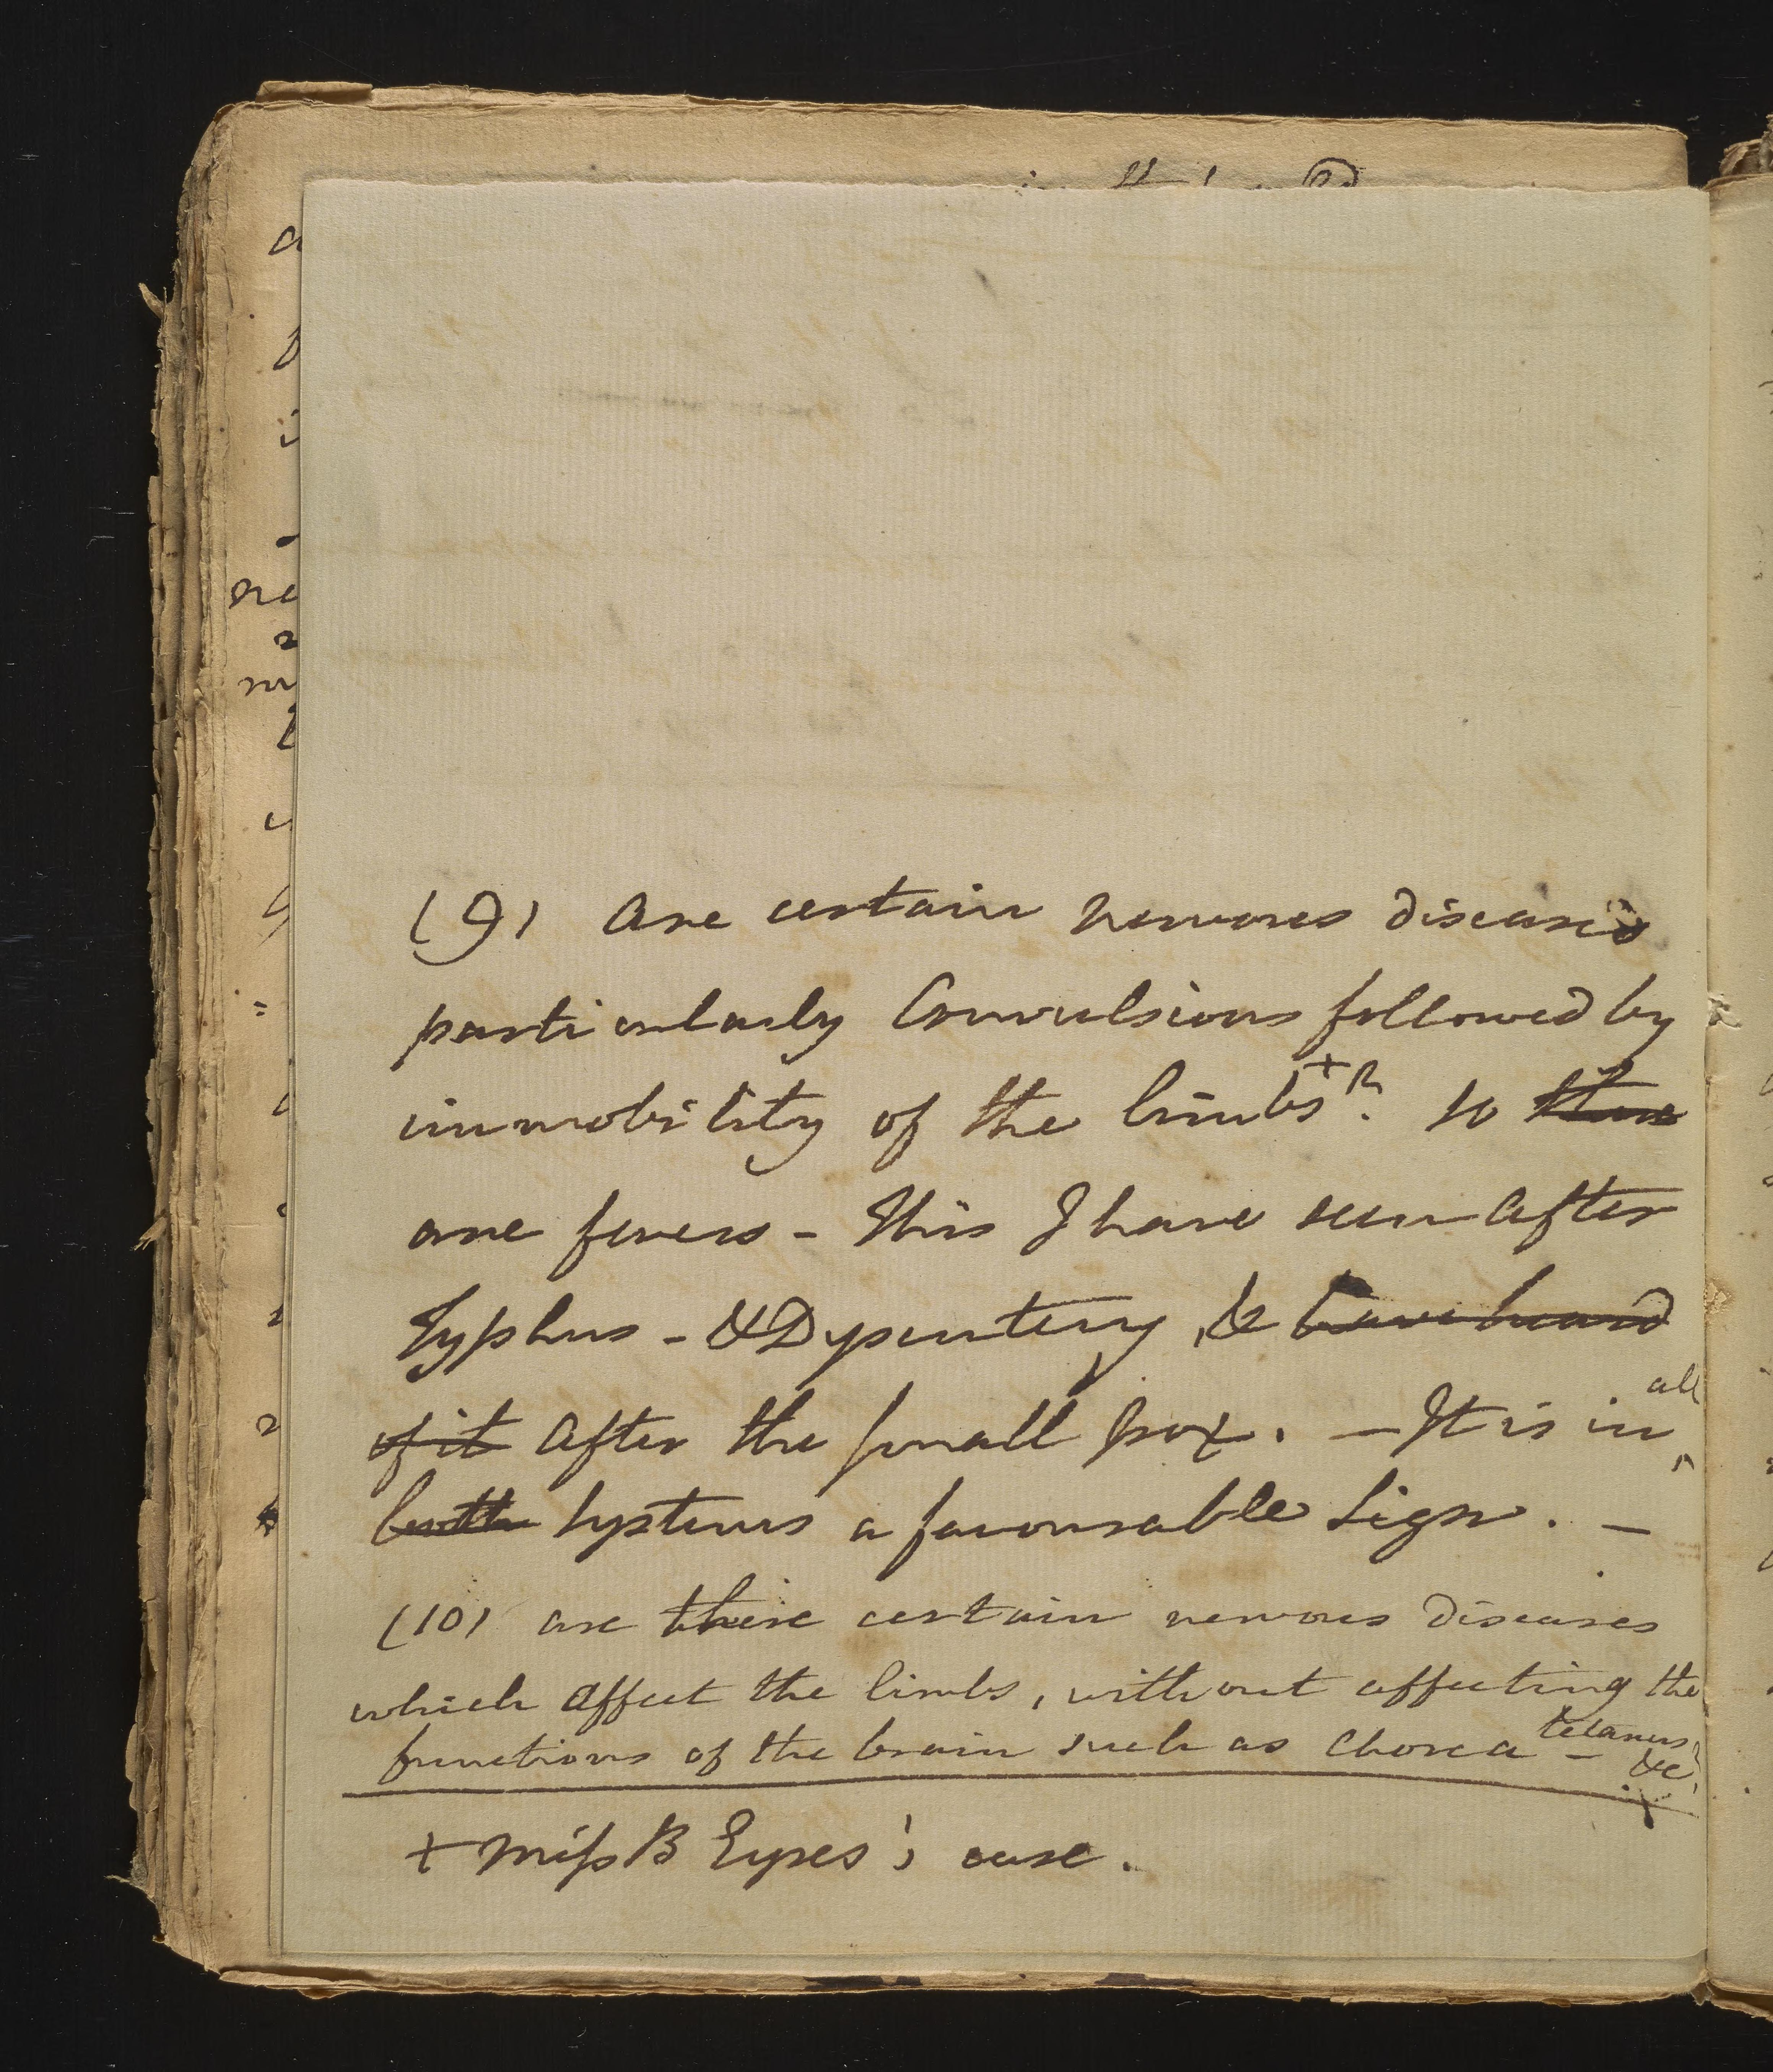(9) Are certain nervous diseases
particularly convulsion followed by
immobility of the limbs^+? So [____]
are fevers. This I have seen after
Typhus- & Dysentery- & [have heard]
all
[of it] after the small pox.- It is in ^
systems a favorable sign.
(10) Are there certain nervous diseases
which affect the limbs, without affecting the
functions of the brain such as chorea, tetanus, &c?
tetanus
&c?
+ Miss B Eyses's case